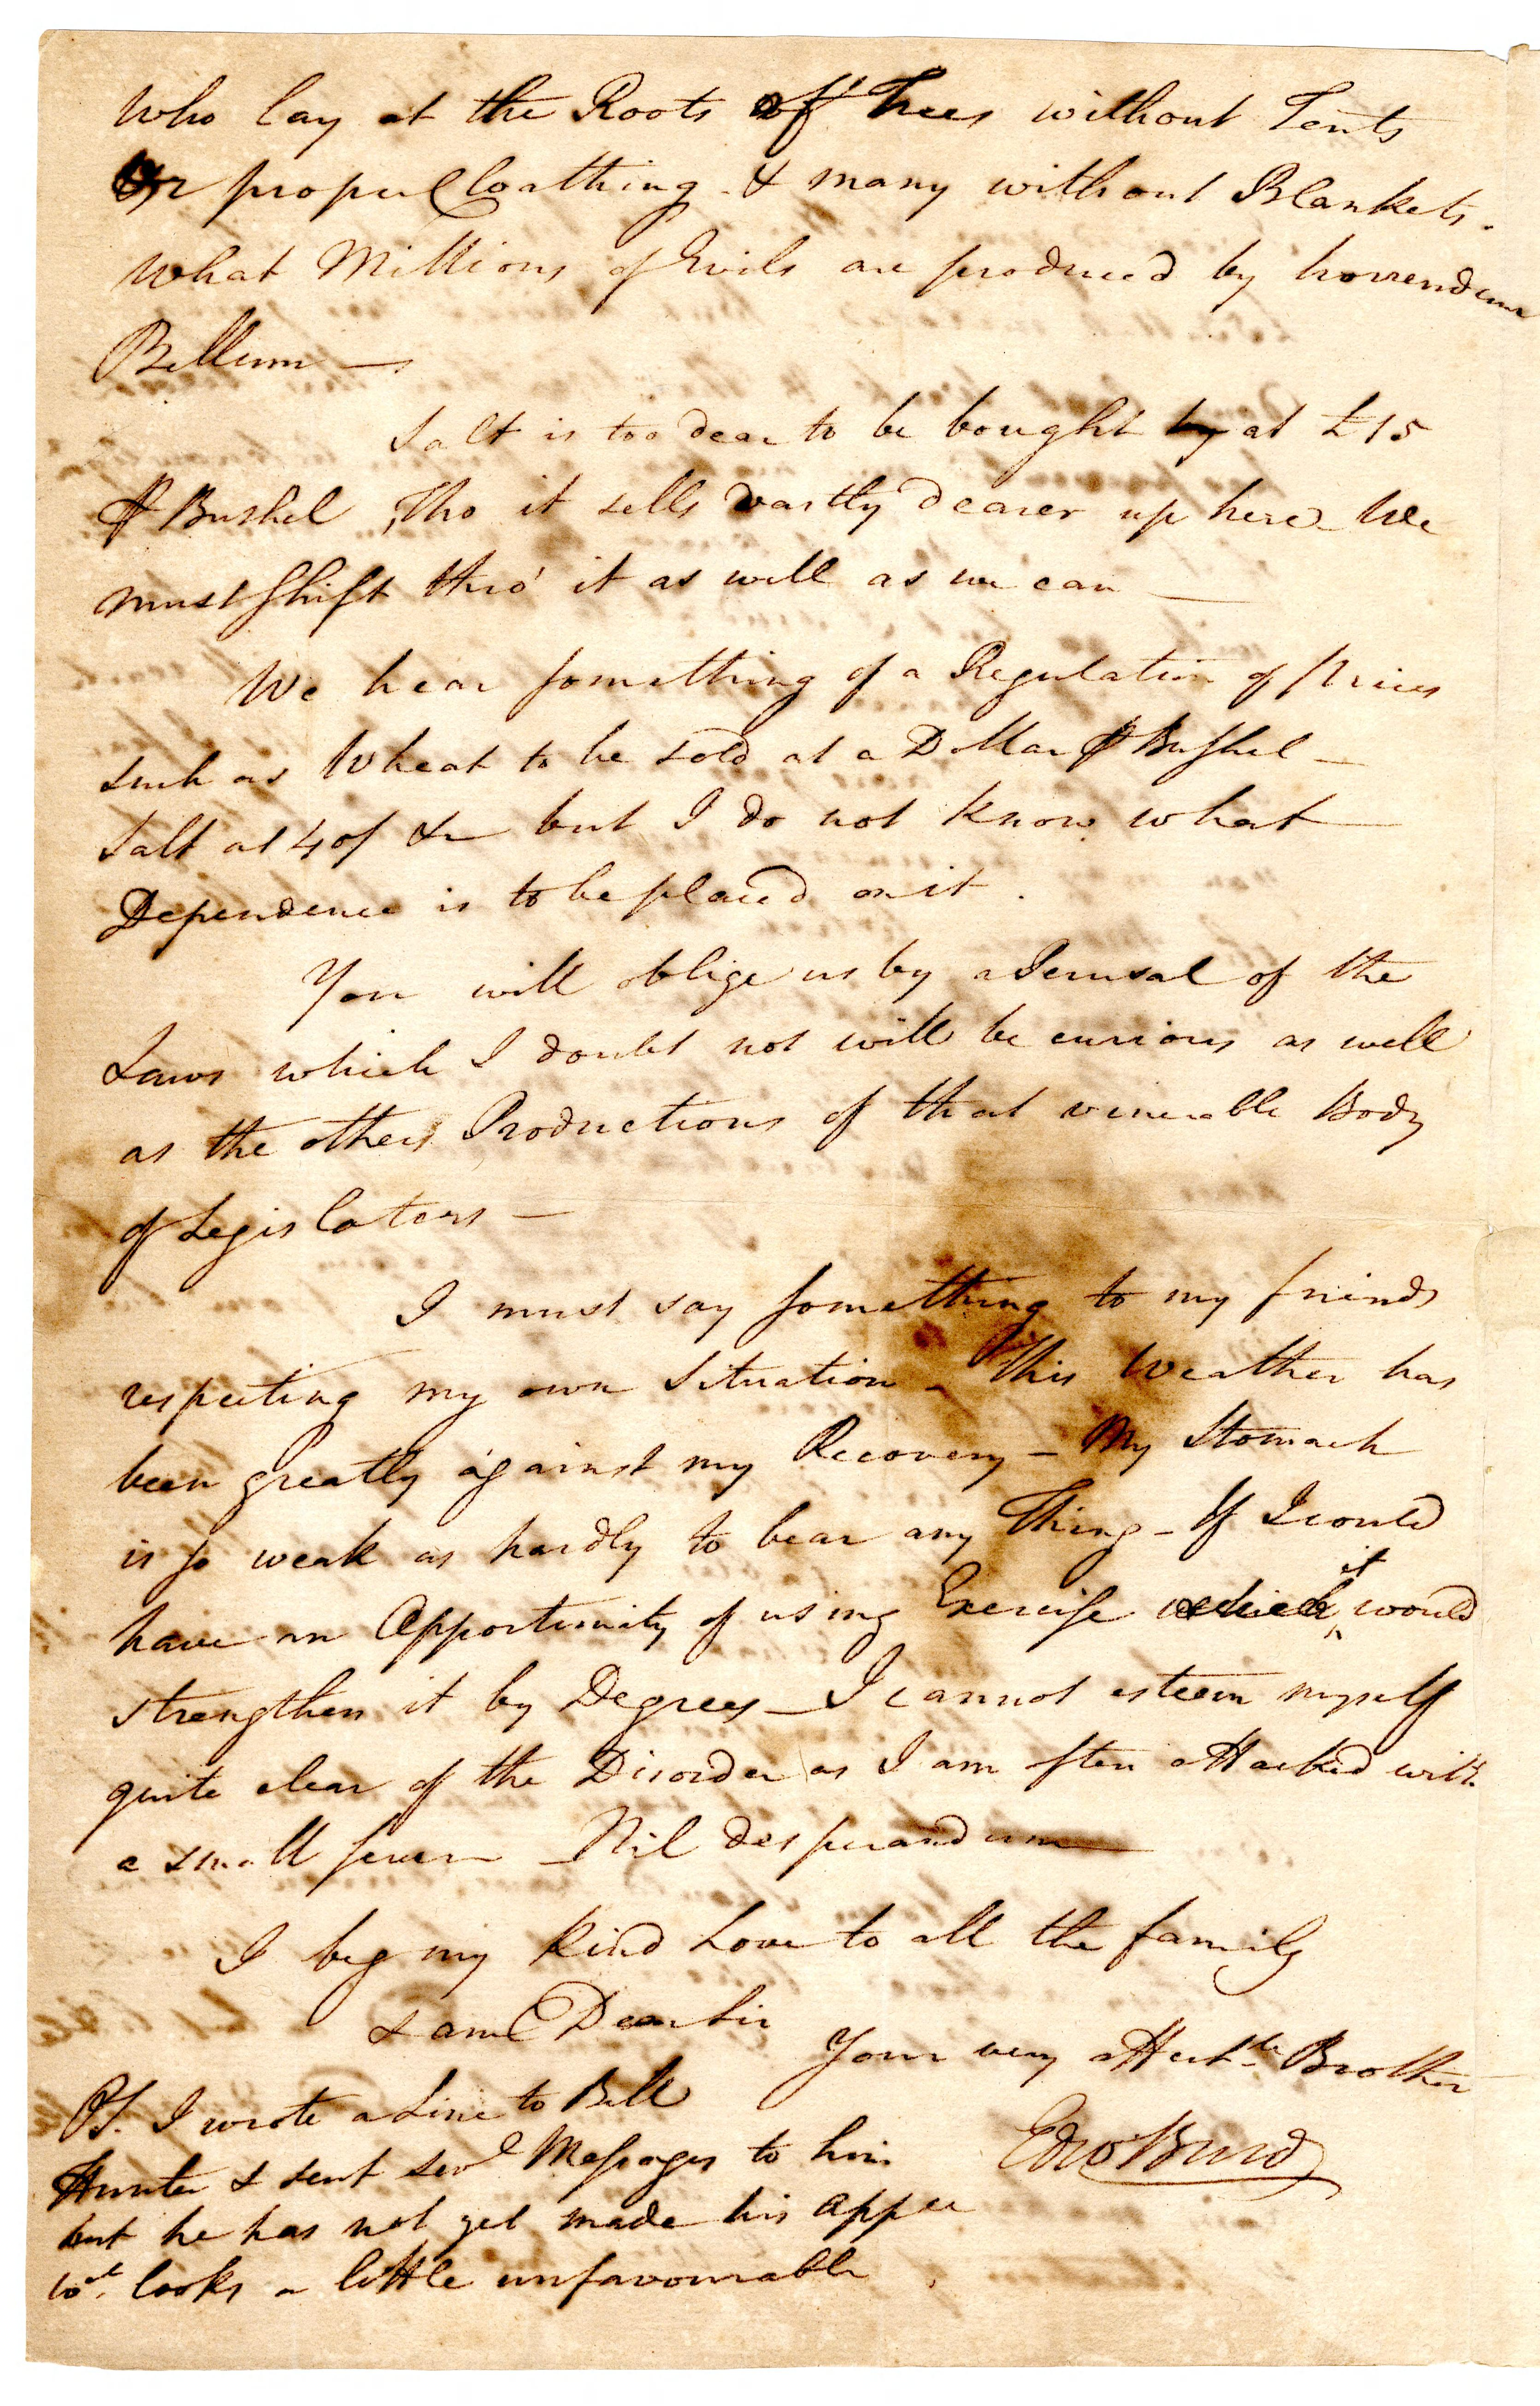who lay at the Roots of Trees without Tents
or proper Cloathing & many without Blankets.
What Millions of Evils are produced by horrendous
Bellum-
Salt is too dear to be bought by at £15
per Bushel tho it sells vastly dearer up here- We
must shift thro' it as well as we can-
We hear something of a Regulation of prices
such as Wheat to be sold at a Dollar per bushel-
Salt at 4s &c but I do not know what
Dependence is to be placed on it.
You will oblige us by a Perusal of the
Laws which I doubt not will be curious as well
as the other Productions of that venerable Body
of Legislators-
I must say something to my friends
respecting my own Situation this weather has
been greatly against my Recovery- My Stomach
is so weak as hardly to bear any Thing- If I could
it
have an Opportunity of using Exercise [_____] ^ would
strengthen it by Degrees- I cannot esteem myself
quite clear of the Disorder as I am after attacked with
a small fever- Nil desperandum-
I beg in my kind Love to all the family
I am Dear Sir
Your very affect^e Brother
Edw. Burd
PS. I wrote a Line to Bill
Hunter & sent Sev^l Messages to him.
but he has not yet made his apper
to^y looks a little unfavourable